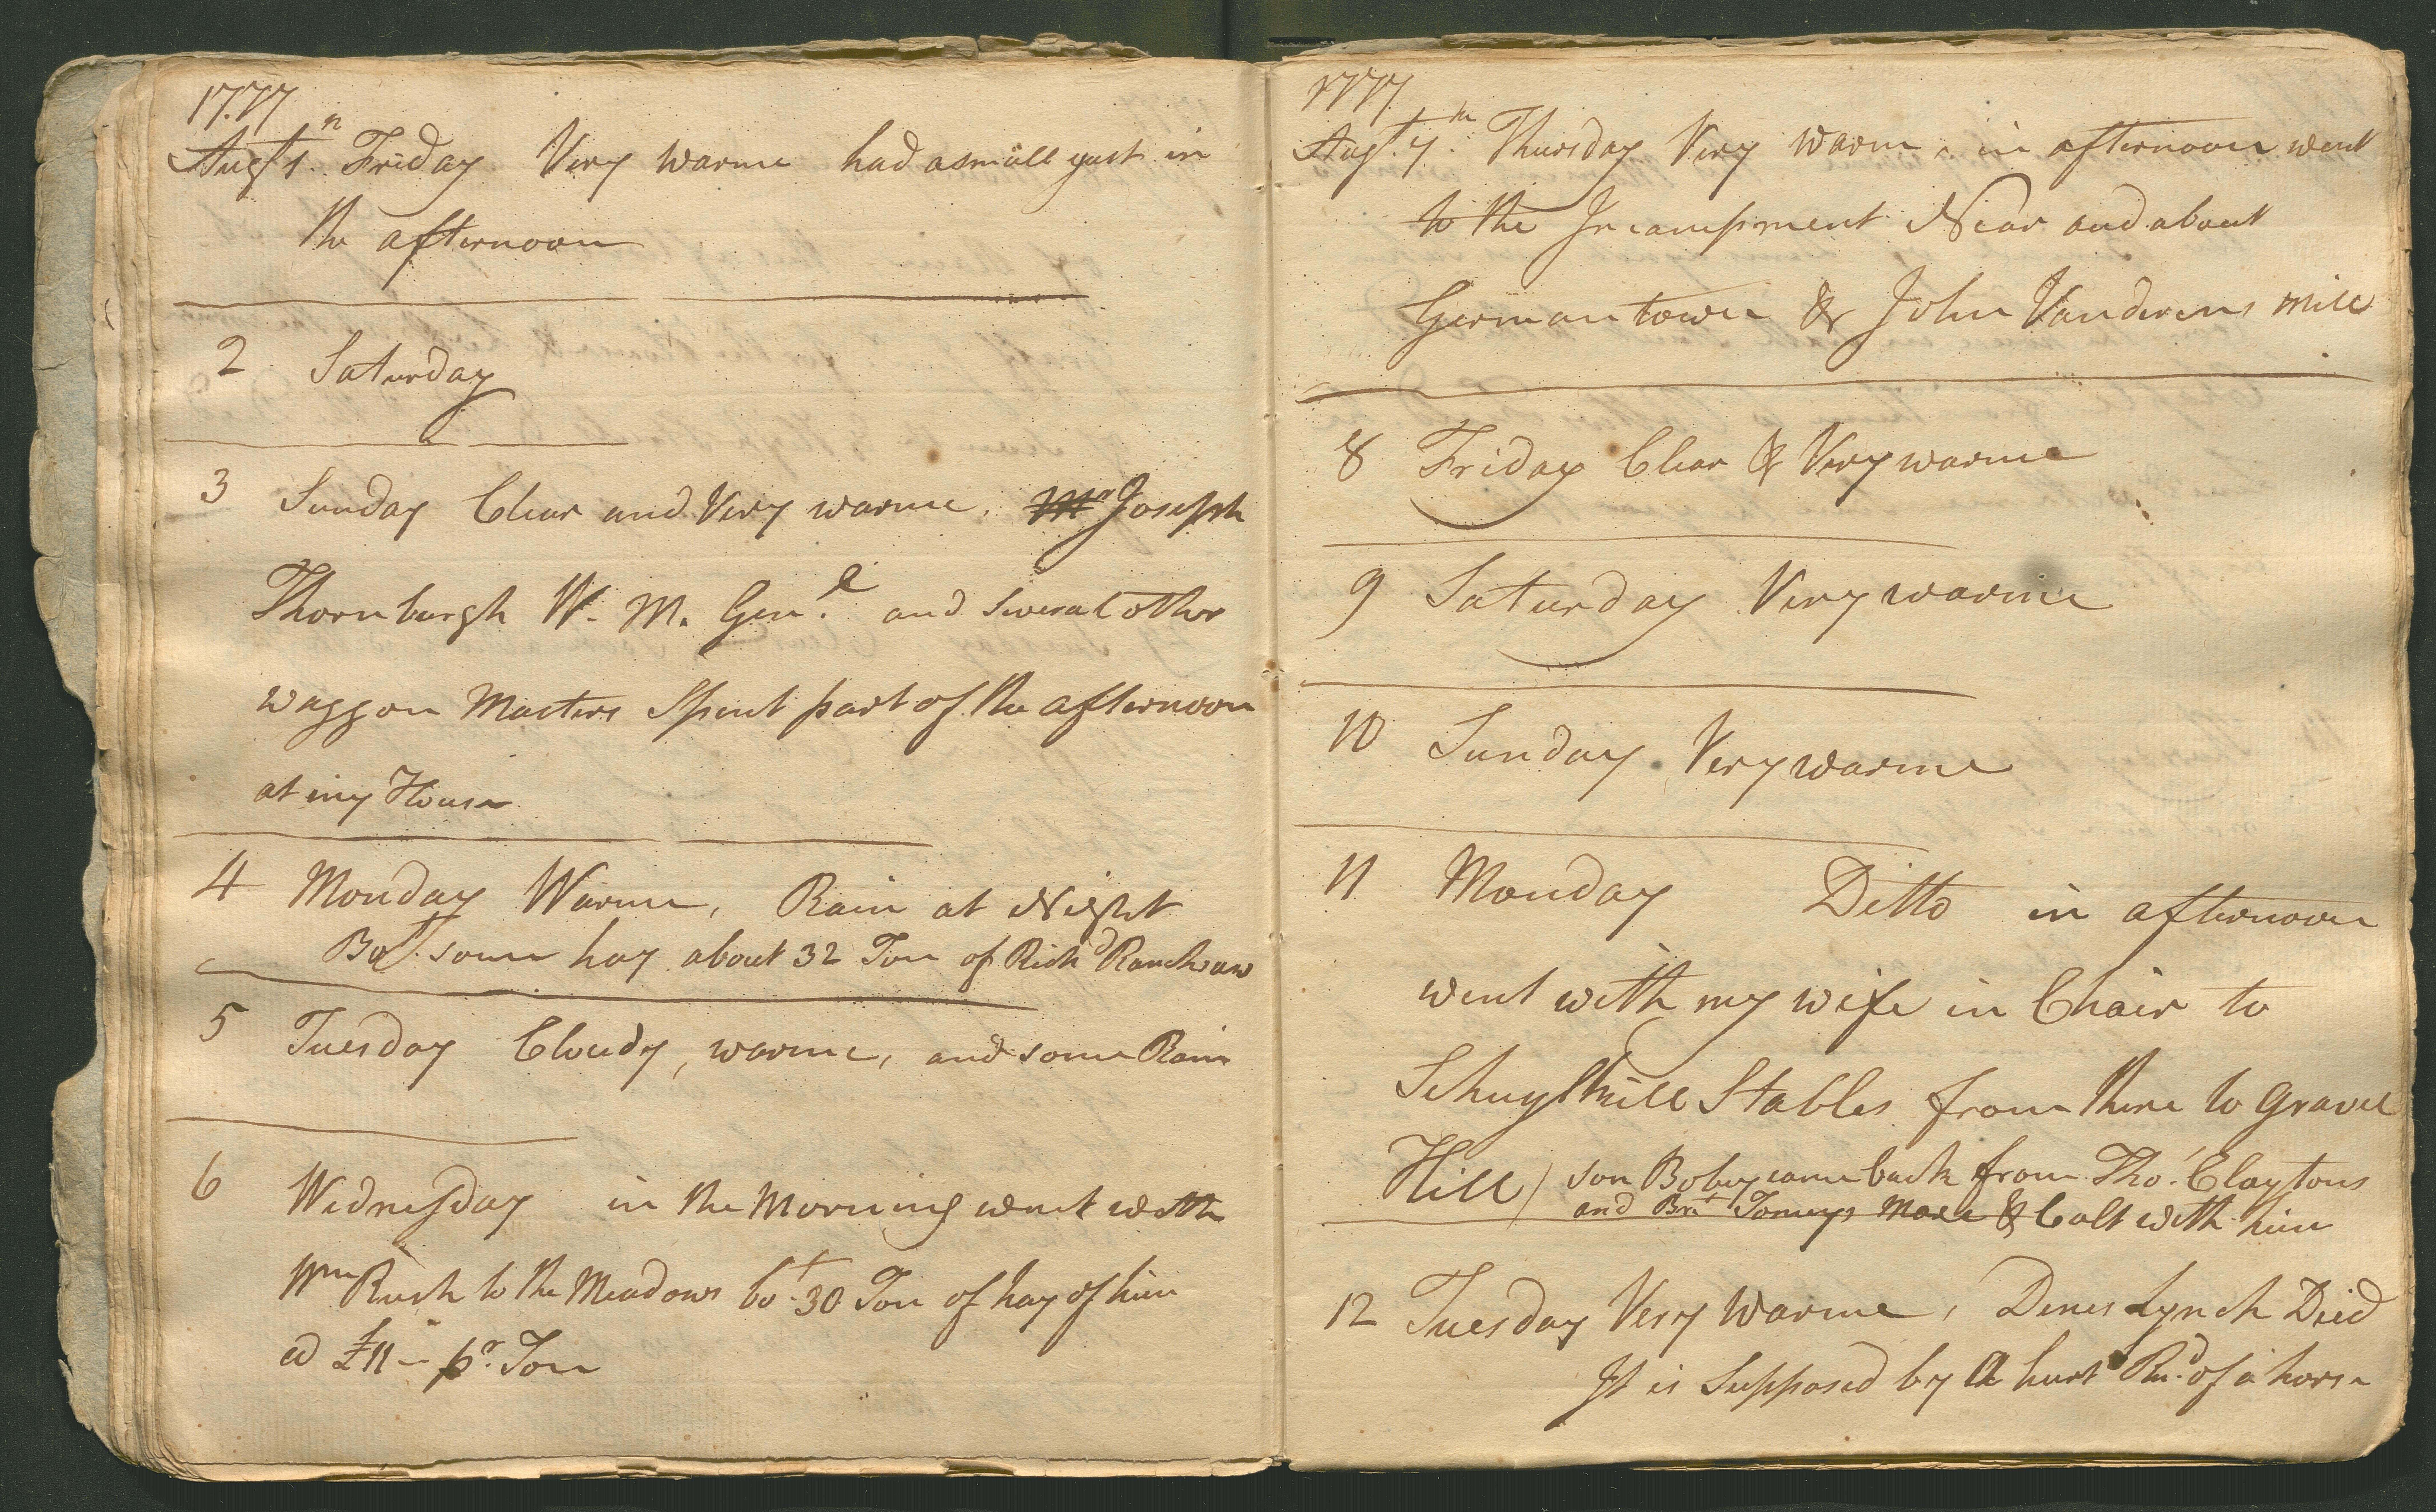1777
Augt 1^th. Friday Very warme had a small gust in
the afternoon
2. Saturday
3 Sunday Clear and Very warme. [M^r] Joseph
Thornburgh W. M. Gen^l. and several other
waggon Masters Spent part of the afternoon
at my House
4 Monday Warne, Rain at Night
Bo^t. some hay about 32 Ton of Rich^d Renshaw
5 Tuesday Cloudy warme, and some Rain
6 Wednesday in the Morning wet with
W^m. Rush to the Meadows bo^t. 30 Ton of hay of him
@ £11- p^r. Ton
Aug^t. 7^th. Thursday Very Warm in afternoon went
1777
to the Incampment Near and about
Germantown & John Vanderens mile
8 Friday Clear & Very warme
9 Saturday Very warme
10 Sunday. Very warme
11 Monday Ditto in afternoon
went with my wife in Chair to
Schuykkill Stables from there to gravel
Hill
son Bobey came back from Tho^s. Claytons
and Br^t. Tomeys Mare & Colt with him
12 Tuesday Very Warme, Dines Lynch Died
It is Supposed by A hurt Rec^d. of a horse